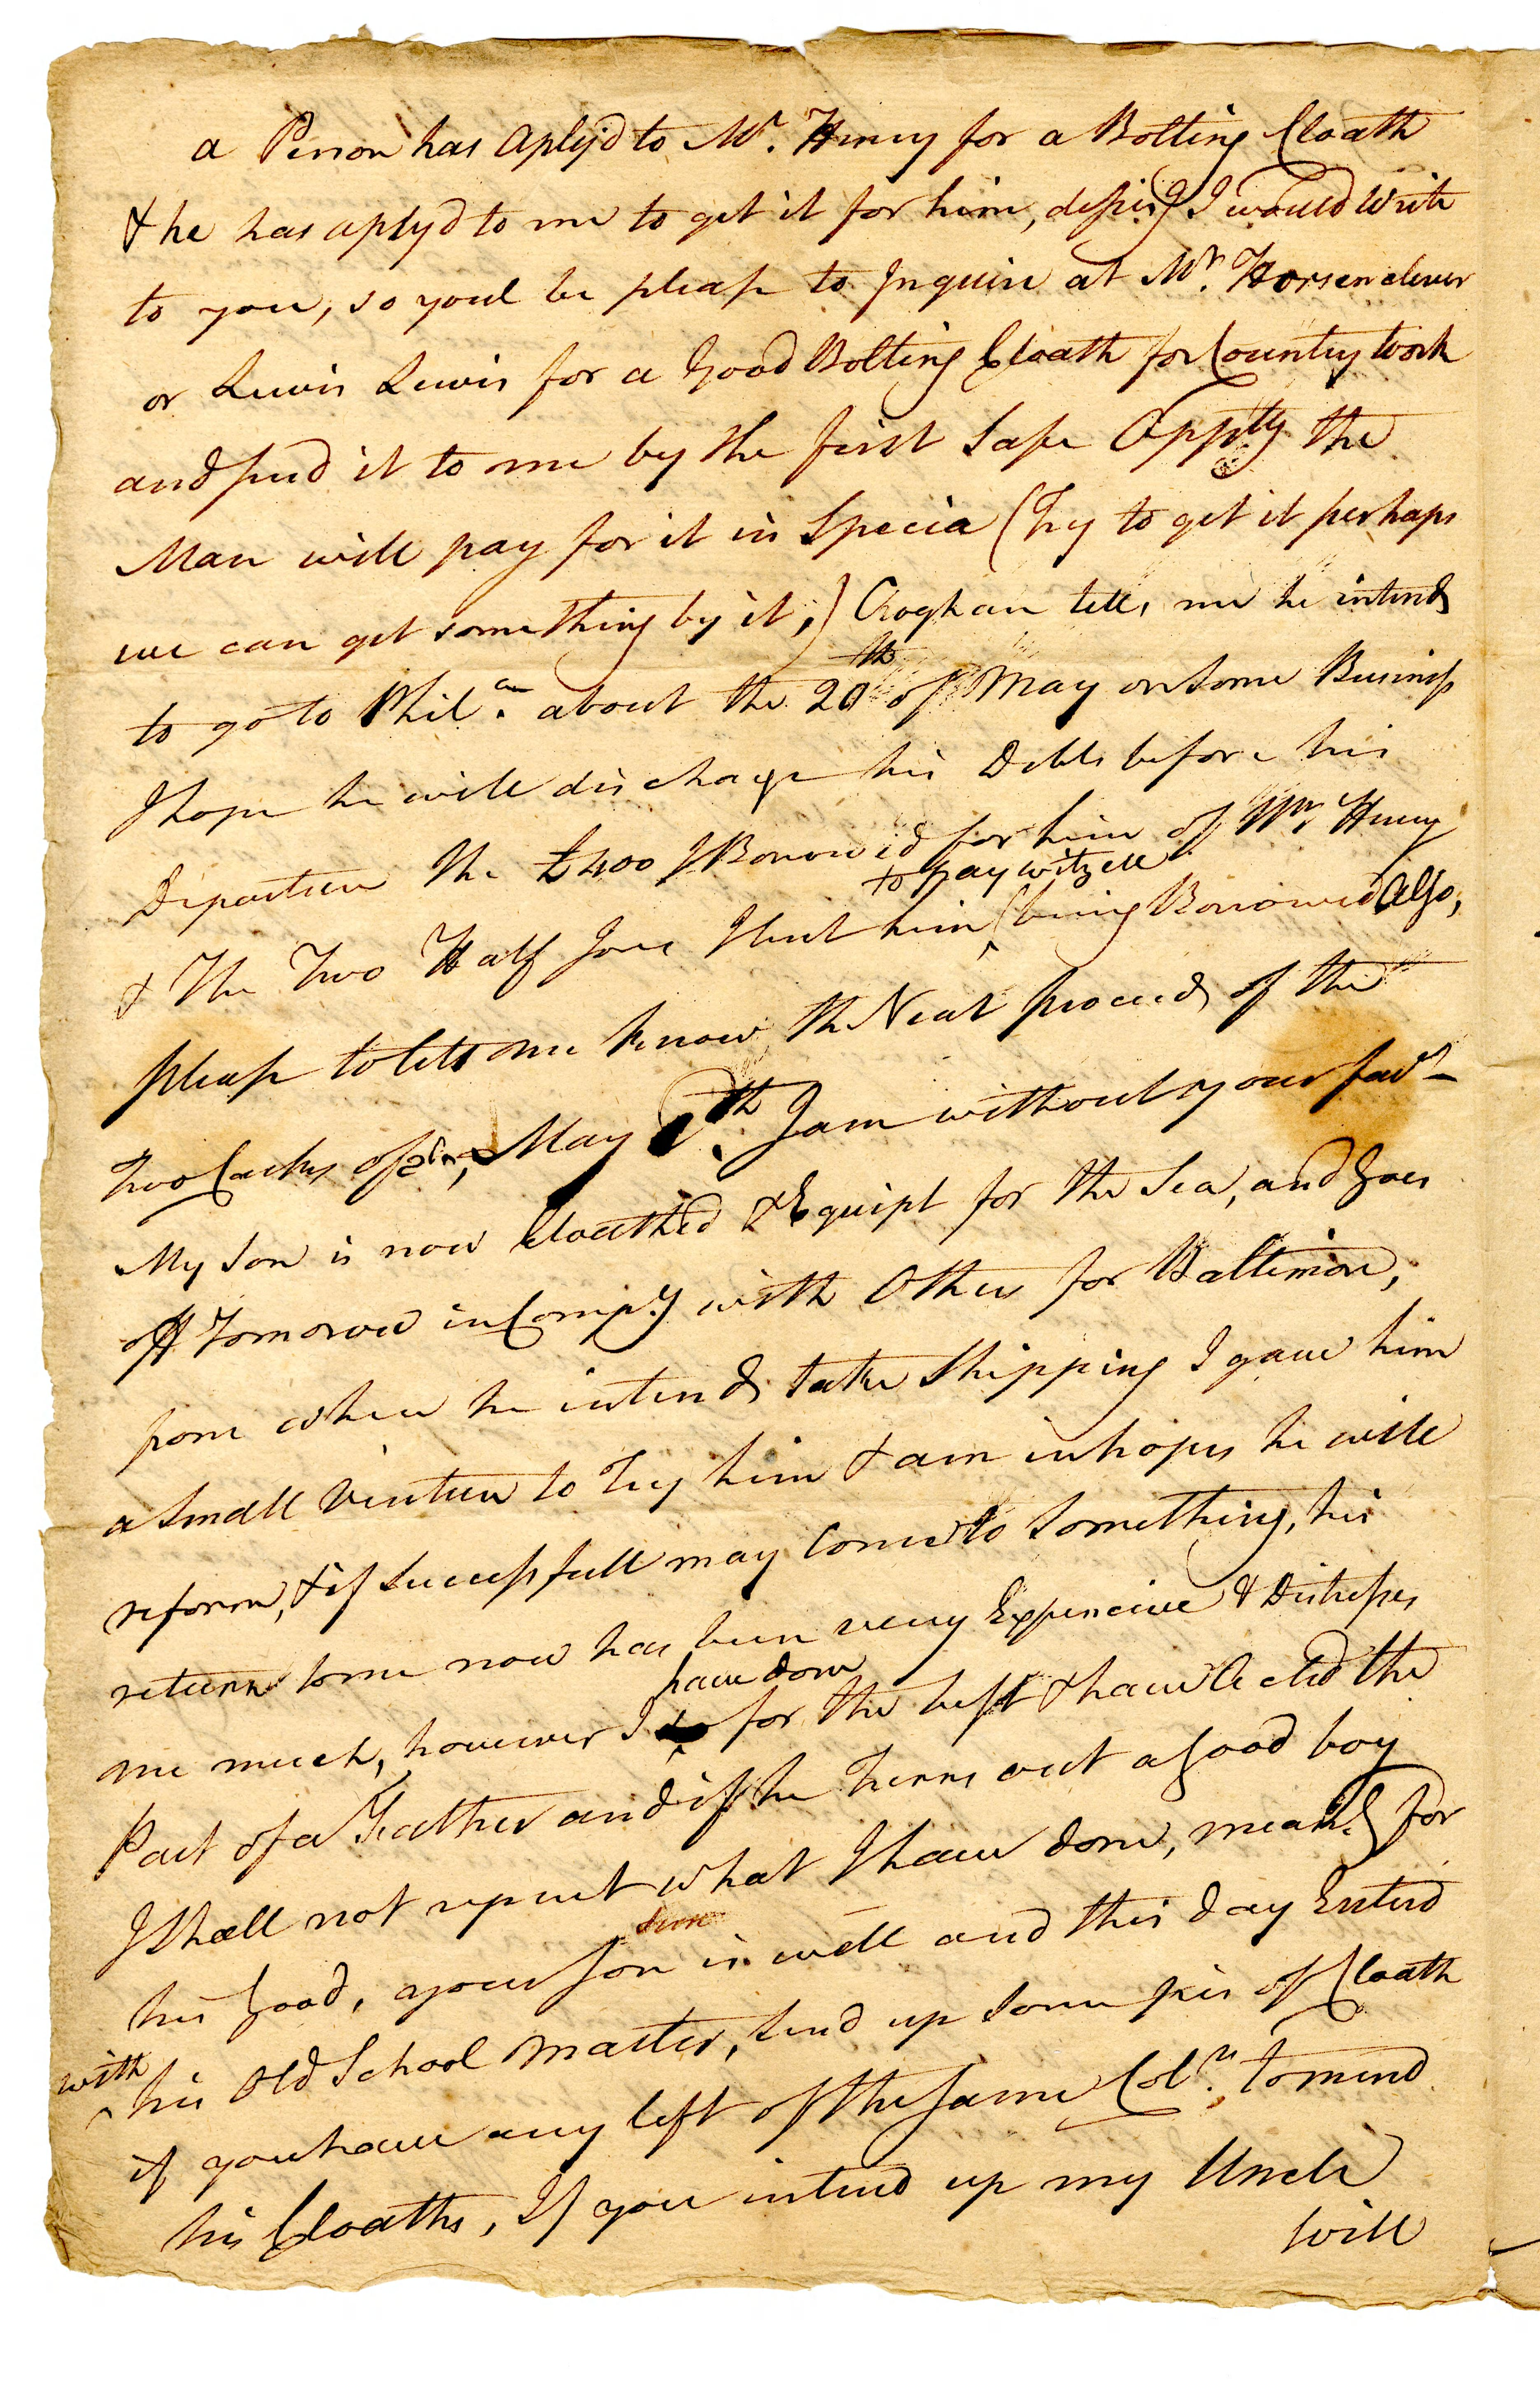a Person has aply'd to M^r. Henry for a Bolting Cloath
& he has aplyd to me to get it for him, desiring I would write
to you, so youl be please to inquire at M^r. Horsenclever
or Lewis Lewis for a Good Bolting Cloath for Country work
and send it to me by the first Safe Opp^ty the.
Man will pay for it in specia (Try to get it perhaps
we can get some thing by it) Croghan tells me he intends
to go to Phil^a about the 20^th of May on some Business
I hope he will discharge his Debts before his
departure the £400 I Borrowed for him of W^m. Henry
to pay witz M
& the Two half for think him ^ being Borrowed Also,
please to let me know, the Next proceeds of the
Two Casks of ale, May 8^th I am without your fav^r
My son is now Cloathed & Equipt for the sea, and goes
off tomorow in Comp^y. with Others for Baltimore;
from where he intend take shipping I gave him
a Small venture to Try him & am in hopes he will
reform, & if successfull may come to something, his
return to me now has been very Expensive & Distresses
have done
me much, however I [do] ^for the help & have Acted the
Part of a Father and if he Turns out a good boy
I shall not repeat what I have done, mean^g. for
done
his good, you son in well and this day Enterd
with his Old School matter, send up some pis of Cloath
if you have very left of the same Col^or. to mend
his Cloaths, If you intend up my Uncle
will